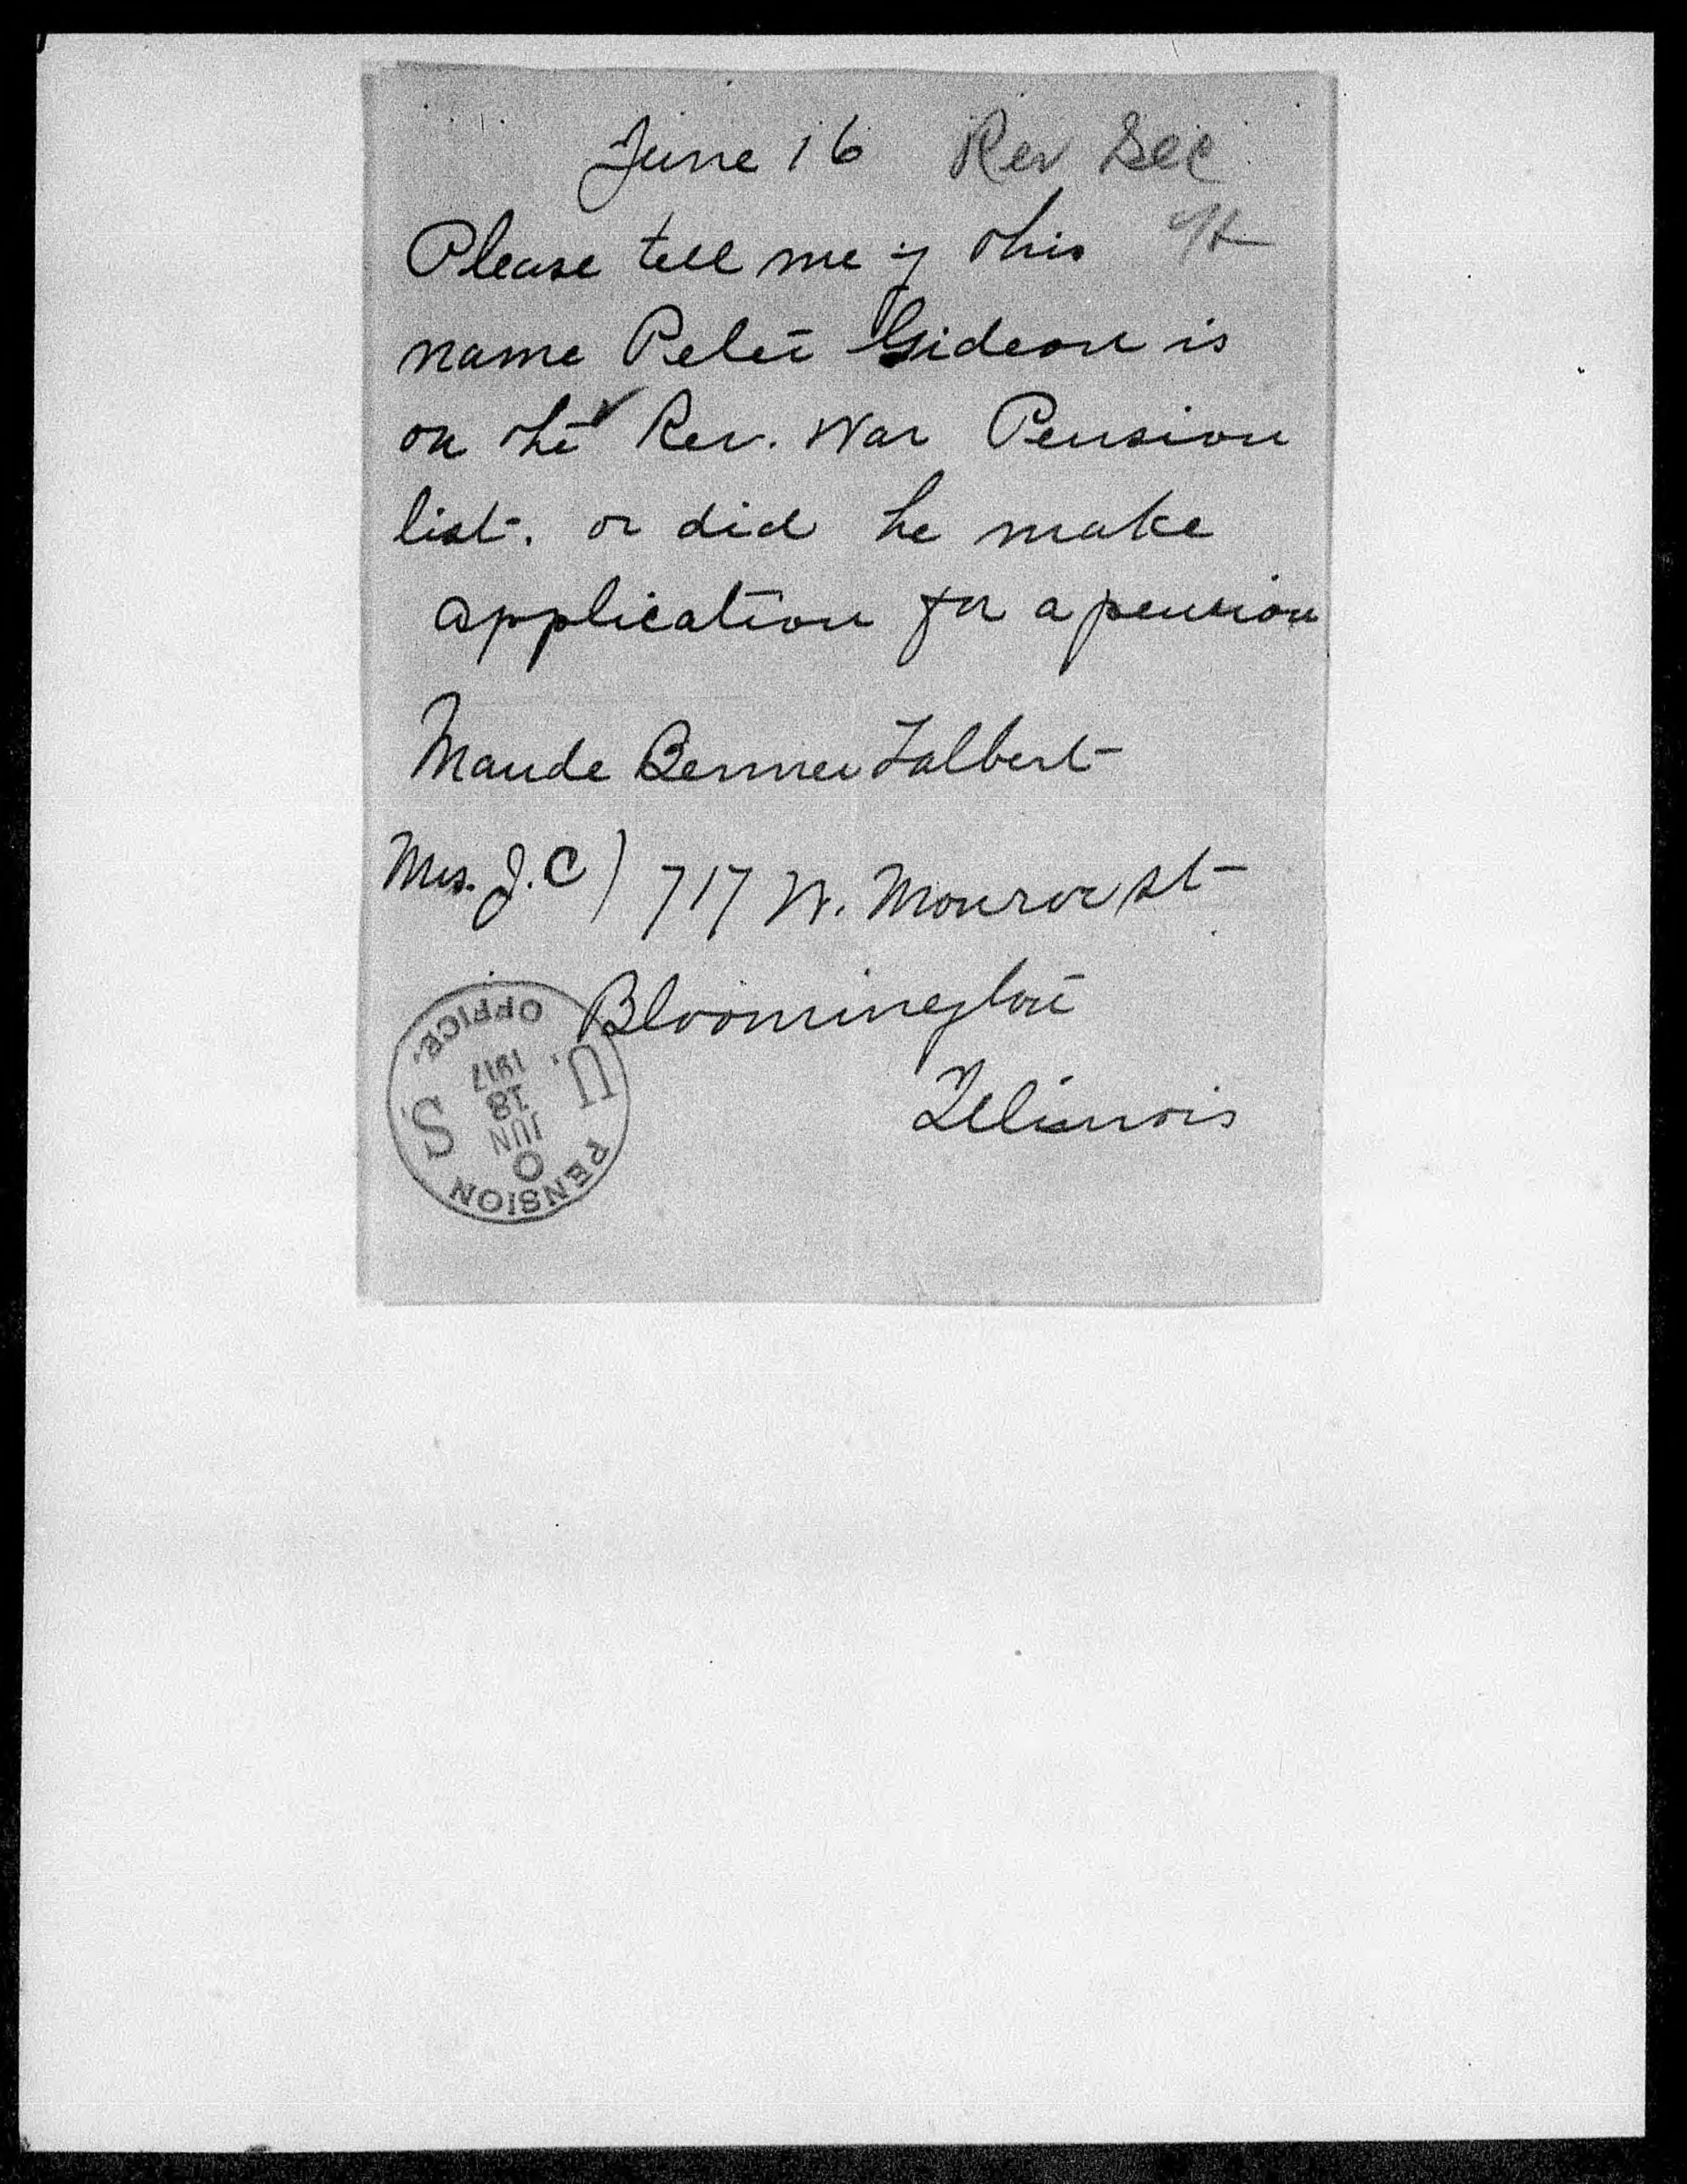June 16 

Rev Sec

Please tell me if this name Peter Gideon is
on the Rev. War Pension list.
or did he make an application for a pension
 Maude Benner Talbert
(Mrs. J.C.)
717 W. Monroe St
Bloomington
Illinois

[stamped US Pension office Jun 19 1917]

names: J C, Peter Gideon, Maude Bernice Talbert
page: 36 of 64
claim: survivor's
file: S. 6887, Peter Gideon, Md.